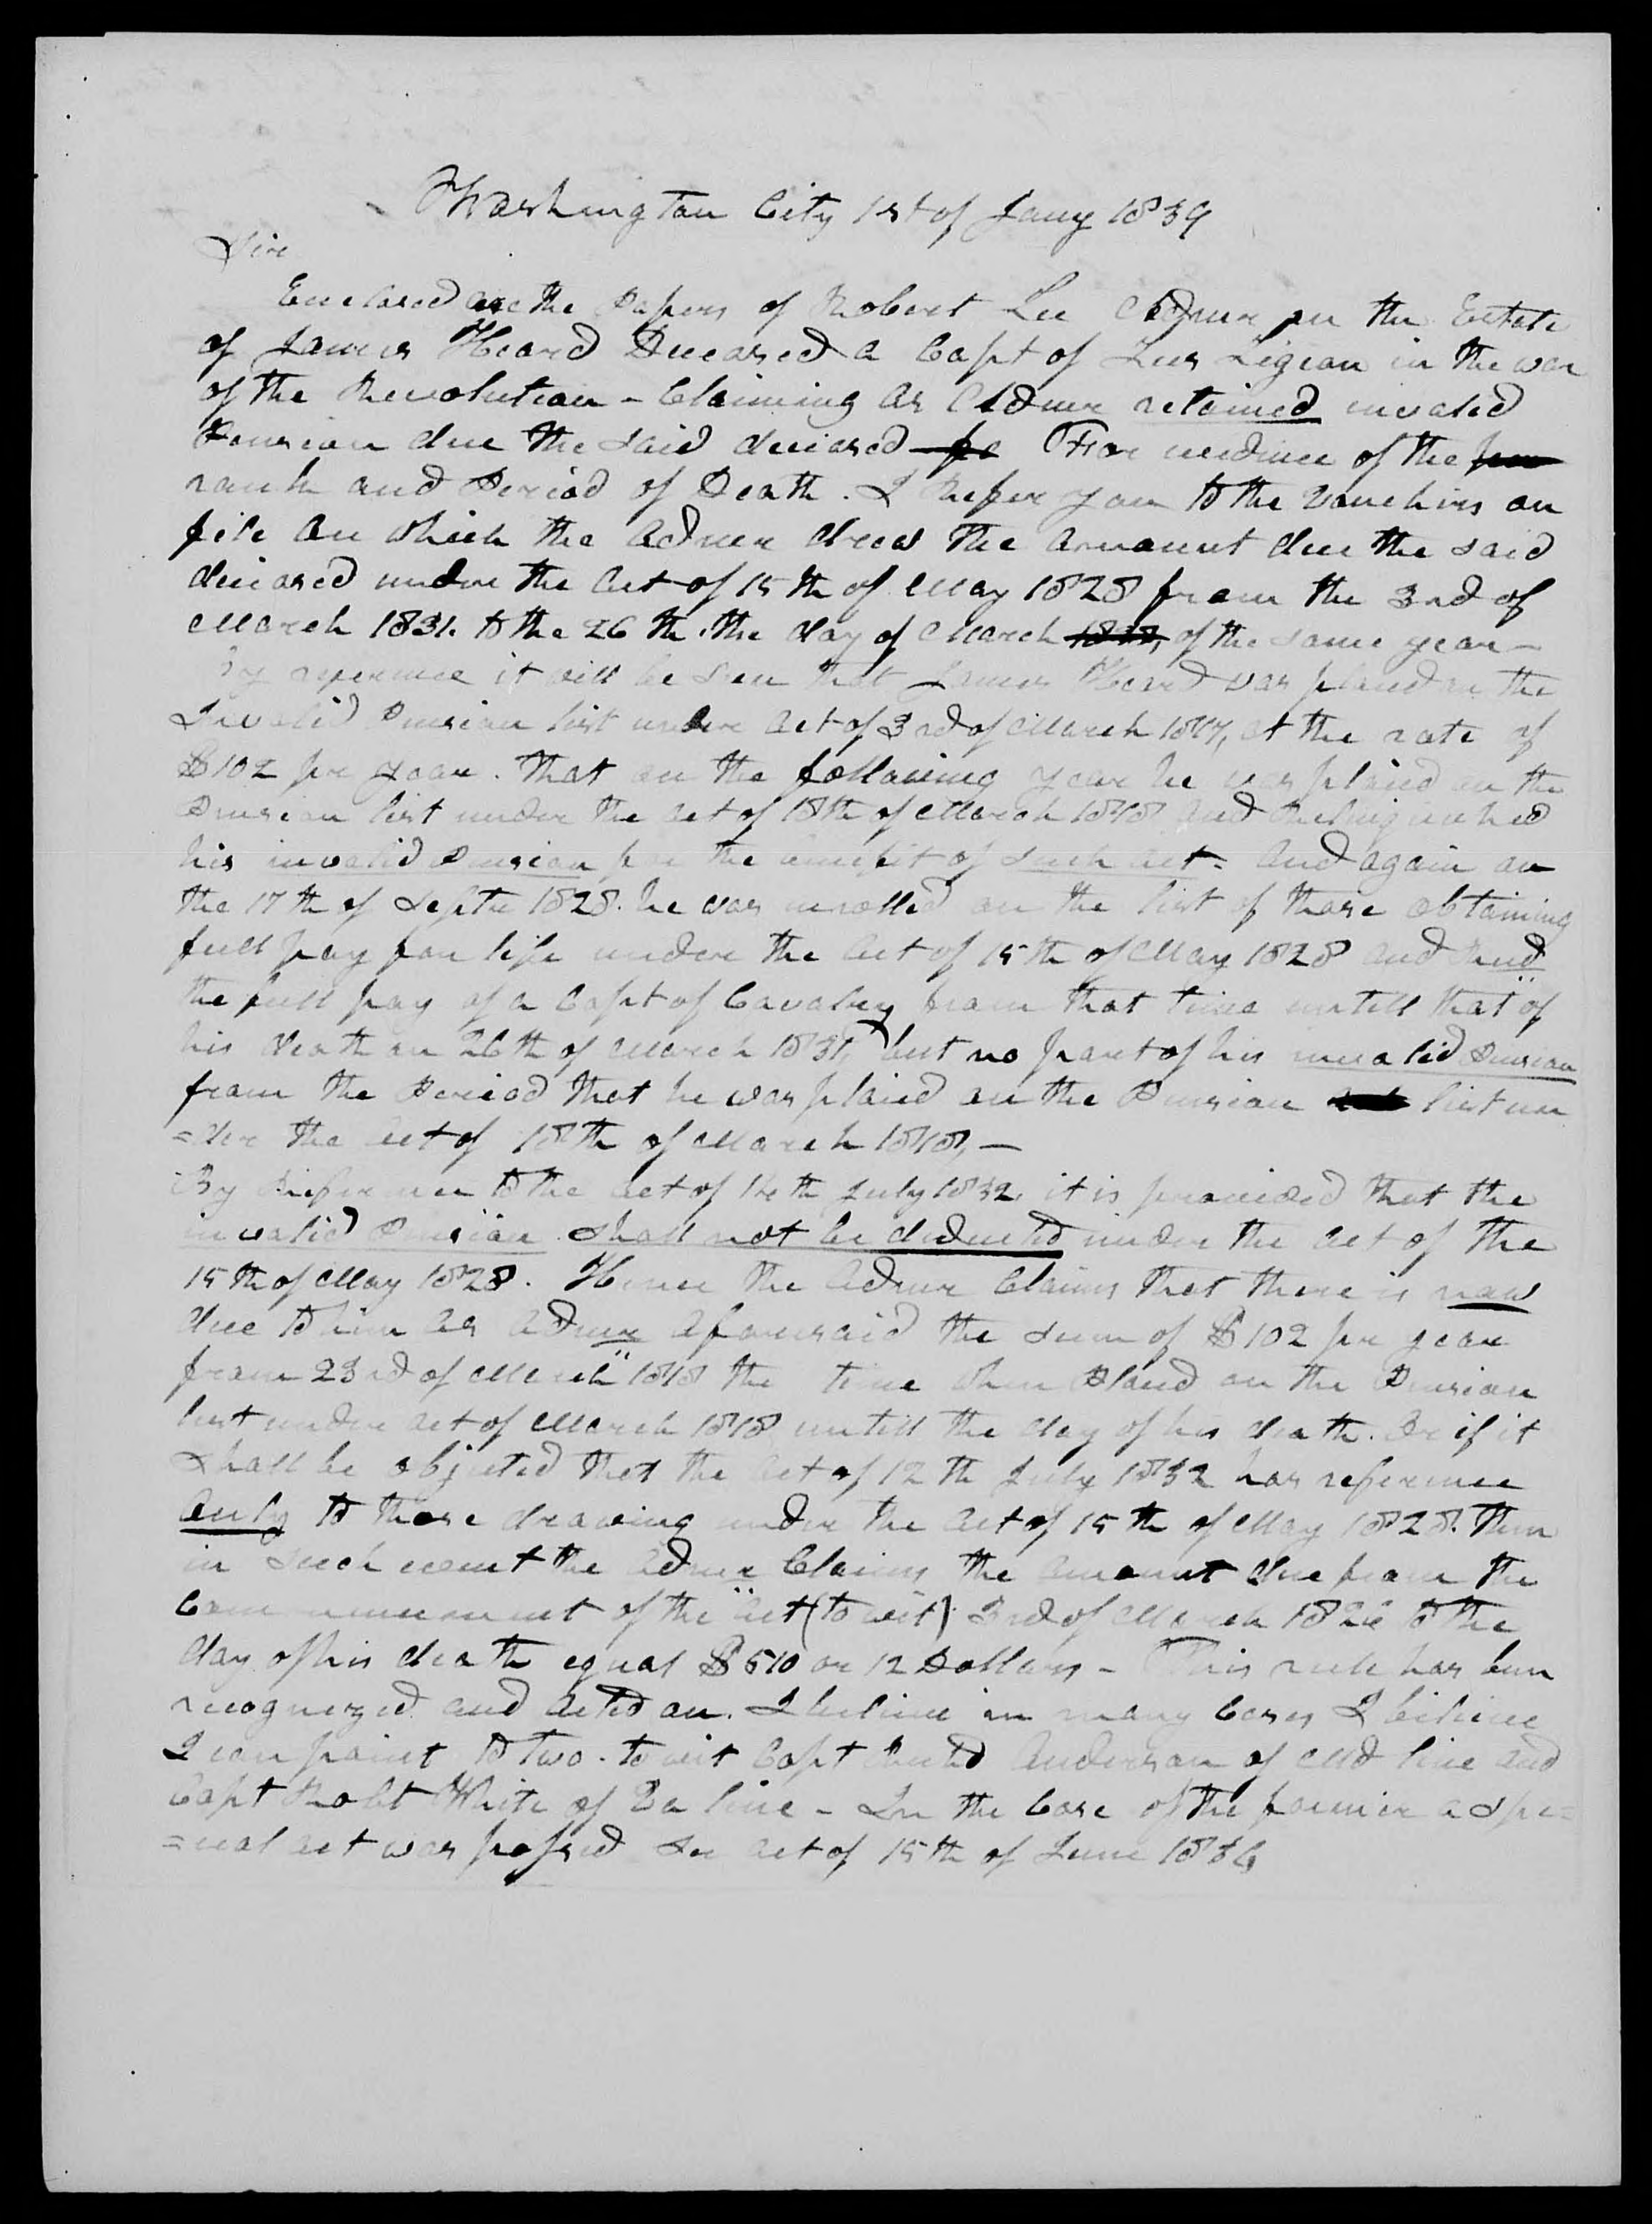Washington City 1st of Jany 1839

Sir

Enclosed are the papers of Robert Lee [illegible] per the Estate of James Heard Deceased a Capt of Lees Legion in the war
of the Revolution claiming as [illegible] retained [illegible] Pension due the said deceased For evidence of the rank and period of death. I refer you to the vouchers and
file on which the [illegible] the amount due the said deceased under the last of 15th of May 1828 from the 3rd of March 1831. to the 26th the day of March of the same year - By
reference it will be sum that James Heard was placed on the invalid Pension List under the act of 3d of March 1847, at the rate of 102 pr year. that on the following year be placed in the Pension list under the act of 18th of March 1845 and [illegible] his invalid pension for the accept of Such act. And again the 17th of Sept 1828. he was enrolled on the list of thereby obtaining full pay for life under the act of 15th of May 1828 and the full pay of a Capt of Cavalry from that time untill that of his death on 26th of March 1831, but no part of his invalid pension from the period that he was placed on the Pension list wasn't the act of 15th of March 1818,

By reference to the Let of the act July 1832. it is provided that the invalid pensions shall not be deducted under the act of the 15th of May 1828. Hence the admr claims that there is now
due to him as admr aforesaid the sum of $102 per year from 23rd of March 1818 the time then and on the Pension but under act of March 1818 untill the day of his death or if it
shall be objected that the lot of 12th July 1832 has reference only to those drawing under the act of 15th of May 1828. then in such event the declaring the amount the from the
Government of the act {to wit) and of March 1844 to the day of his death equal $510 or 12 Dollars. This rule has been recognized and dated on a line in many base line

I can point to two to wit Capt Richard  Anderson of [illegible] line and Capt Robt White of Maine - In the case of the former aspect al act was passed on act of 15th of June 1836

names: Robert Lee, James Heard, Richd Anderson, Robt White, James Heard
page: 60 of 62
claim: survivor's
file: S. 540, James Heard, Continental - New Jersey Residence In 1818